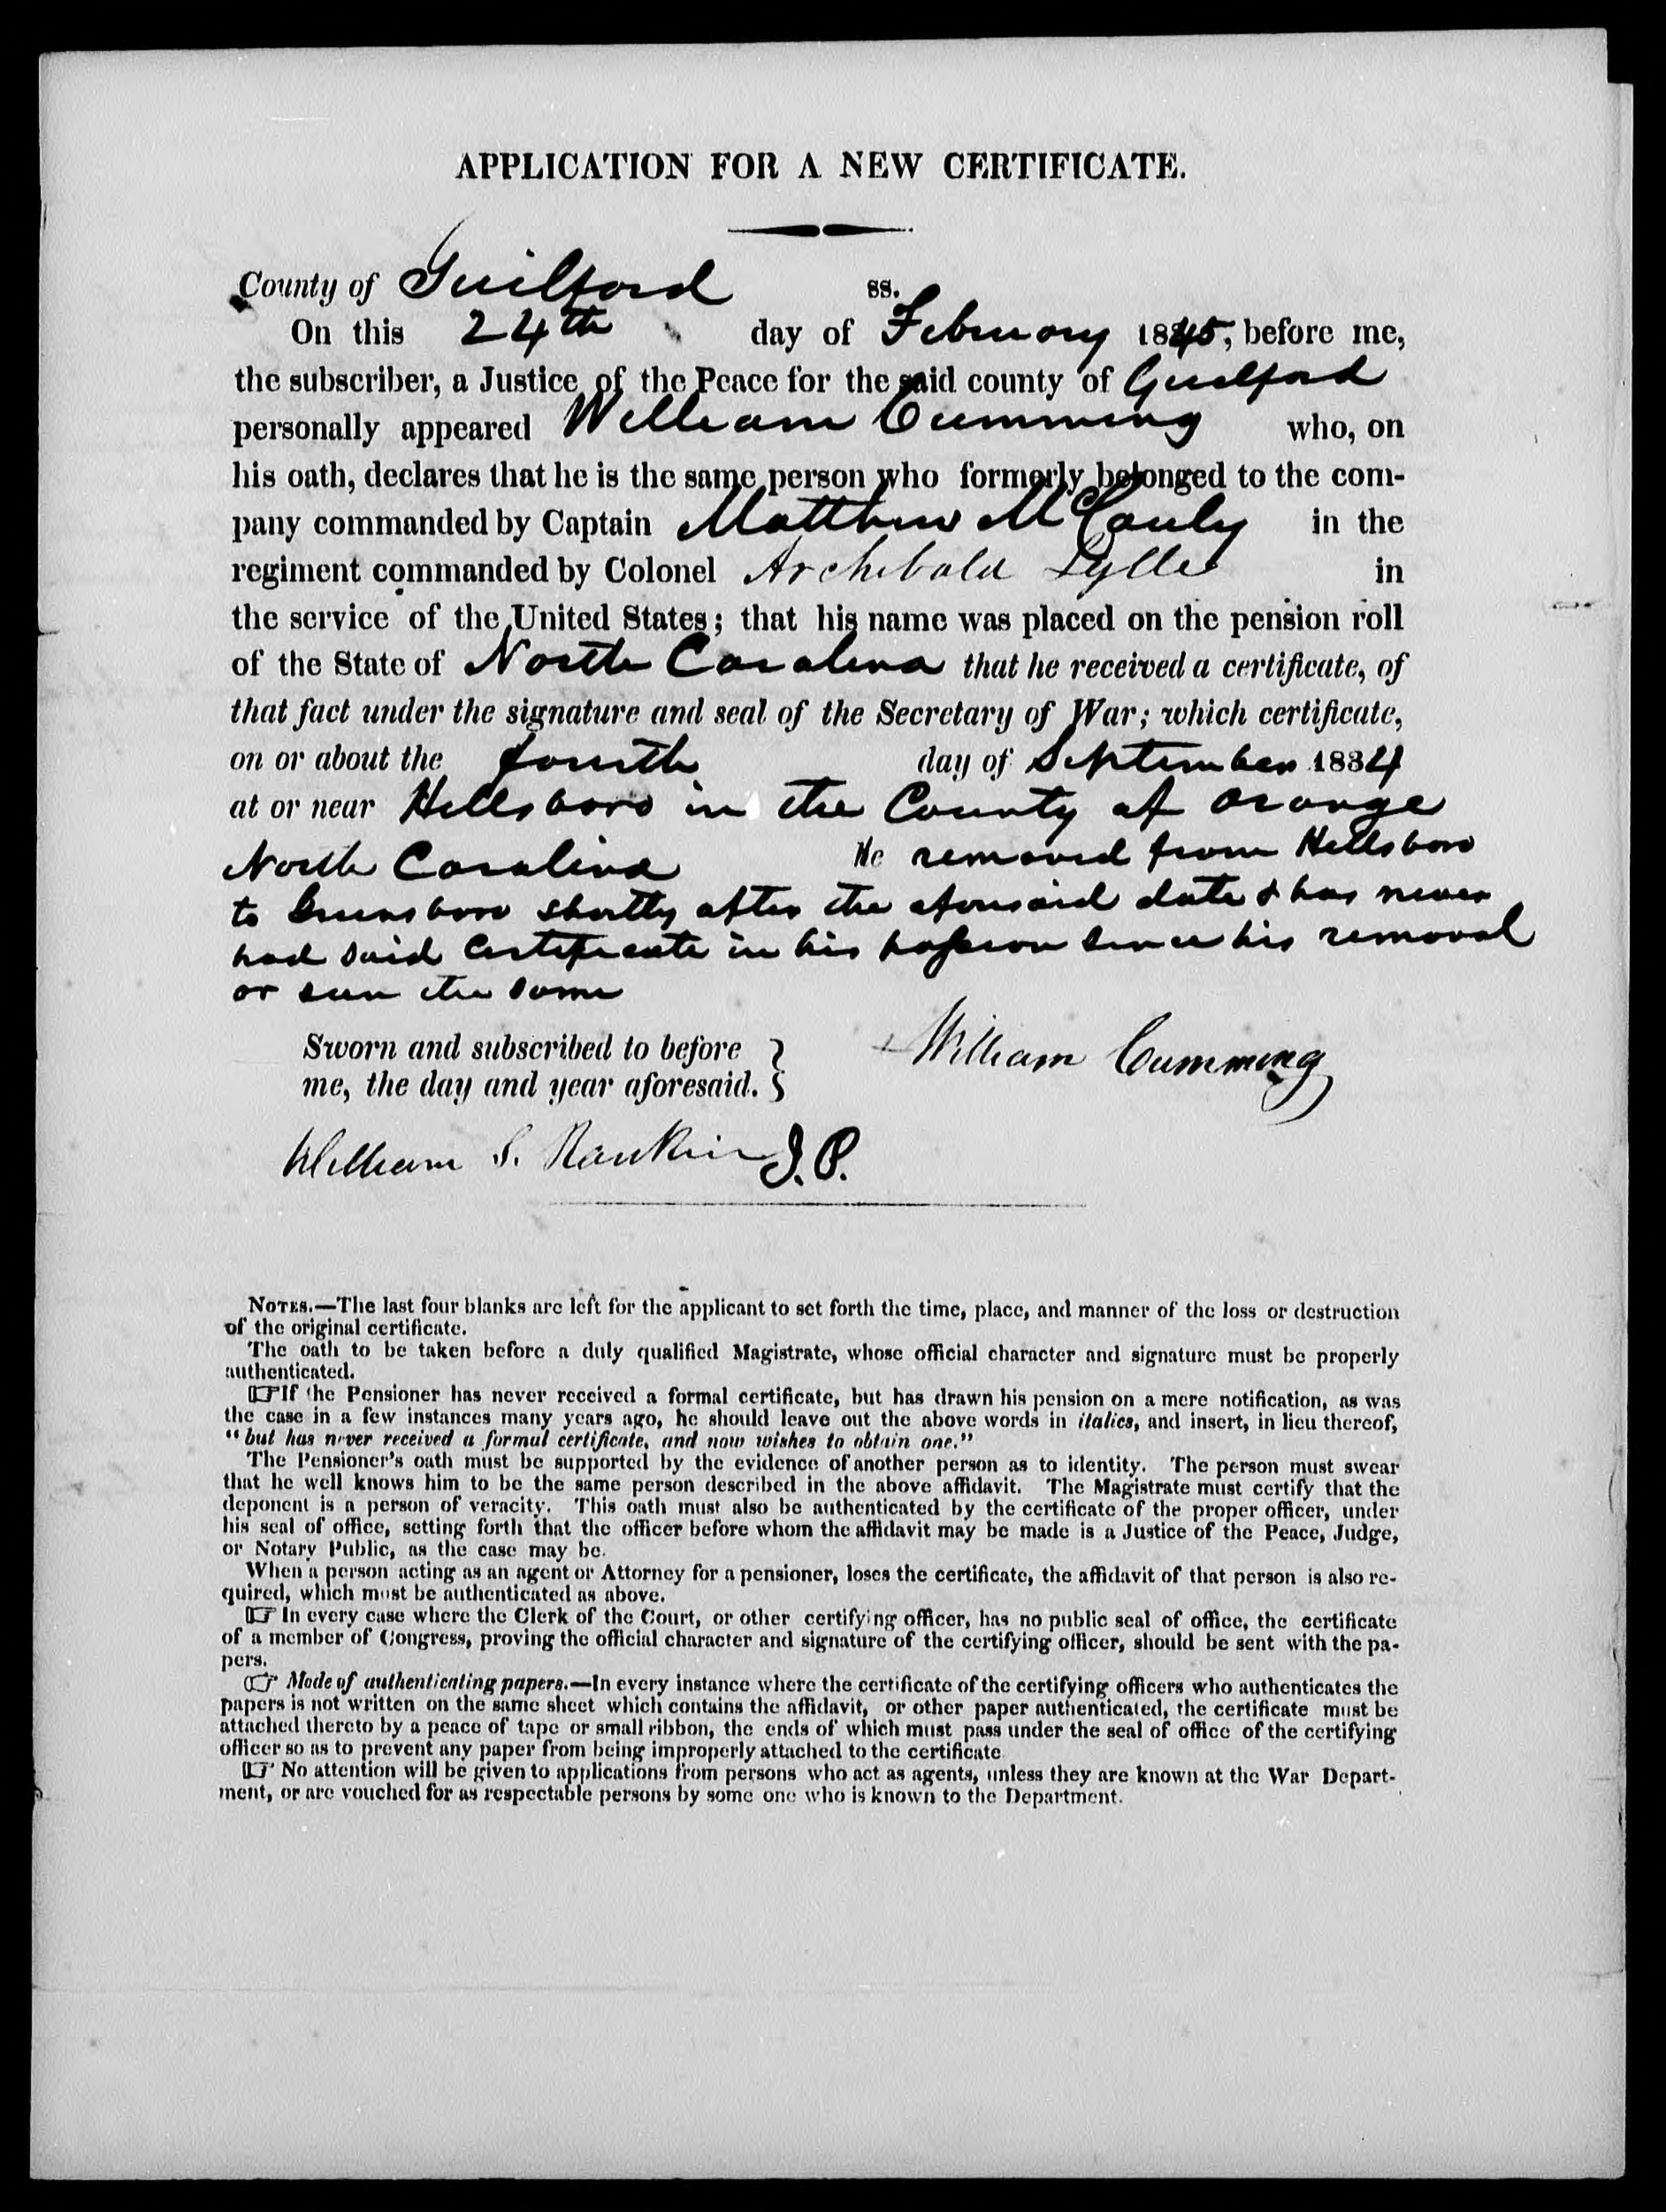[Printed document with handwritten answers.] Occasional spacing has been included to make the long text blocks easier to read.]

APPLICATION FOR A NEW CERTIFICATE.
________ _________

County of Guilford SS. [blank]
On this 24th day of February 1845, before me, the subscriber, a Justice of the Peace for the said county of Guilford personally appeared William Cumming who, on his oath, declares that he is the same person who formerly belonged to the company commanded by Captain Matthew McCauly [or McCauley] in the regiment commanded by Colonel Archibald Lytle in the service of the United States; 

that his name was placed on the pension roll of the State of North Carolina   that he received a certificate, of that fact under the signature and seal of the Secretary of War; which certificate, on or about the fourth day of September 1834 at or near Hillsboro in the County of Orange North Carolina

He removed from Hillsboro to Greensboro shortly after the aforesaid date and has never had said Certificate in his possession since his removal or seen the same

[There is an X mark shortly before the signature, which appears to have been to mark the spot to sign. Signature:] William Cumming

Sworn and subscribed to before)
me, the day and year aforesaid.)
William S. [or J.] Rankin [in darker ink:] J.P. [Justice of the Peace]
_______________________________________________

[Printed instructions begin here.] 
NOTES:  - The last four blanks are left for the applicant to set forth the time, place and manner of the loss or destruction of the original certificate.
The oath to be taken before a duly qualified Magistrate, whose official character and signature must be properly authenticated.

[Image of a hand pointing toward the following text:]  If the Pensioner has never received a formal certificate, but has drawn his pension on a mere notification, as was the case in a few instances many years ago, he should leave out the above words in [here the following word is in italics] italics, and insert, in lieu thereof, [here the following phrase is in italics:] "but has never received a formal certificate, and now wishes to obtain one." ]

The Pensioner's oath must be supported by the evidence of another person as to identity.  The person must swear that he well knows him to be the same person described in the above affidavit.  The Magistrate must certify that the deponent is a person of veracity.  This oath must also be authenticated by the certificate of the proper officer, under his seal of office, setting forth that the officer before whom the affidavit may be made is a Justice of the Peace, Judge, or Notary Public, as the case may be.

When a person acting as an agent or Attorney for a pensioner, loses the certificate, the affidavit of that person is also required, which must be authenticated as above.

[Image of hand pointing to the following text:] In every case where the Clerk of the Court, or other certifying officer, has no public seal of office, the certificate of a member of Congress, proving the official character and signature of the certifying officer, should be sent with the papers.

[Image of hand pointing toward the following text, which was written in italic style:]  Mode of authenticating papers.-  [Here regular text style resumes.] In every instance where the certificate of the certifying officers who authenticates the papers is not written on the same sheet which contains the affidavit, or other paper authenticated, the certificate must be attached thereto by a peace [piece] of tape or small ribbon, the ends of which must pass under the seal of office of the certifying officer so as to prevent any paper from being improperly attached to the certificate.

[Image of hand pointing toward the following text:] No attention will be given to applications from persons who act as agents, unless they are known at the War Department, or are vouched for as respectable persons by some one who is known to the Department.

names: William S Rankin, Archibald Lytle, Matthew Mc Cauley, William Cumming, William Cumming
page: 97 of 145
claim: survivor's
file: S. 8265, William Cumming, N.C.